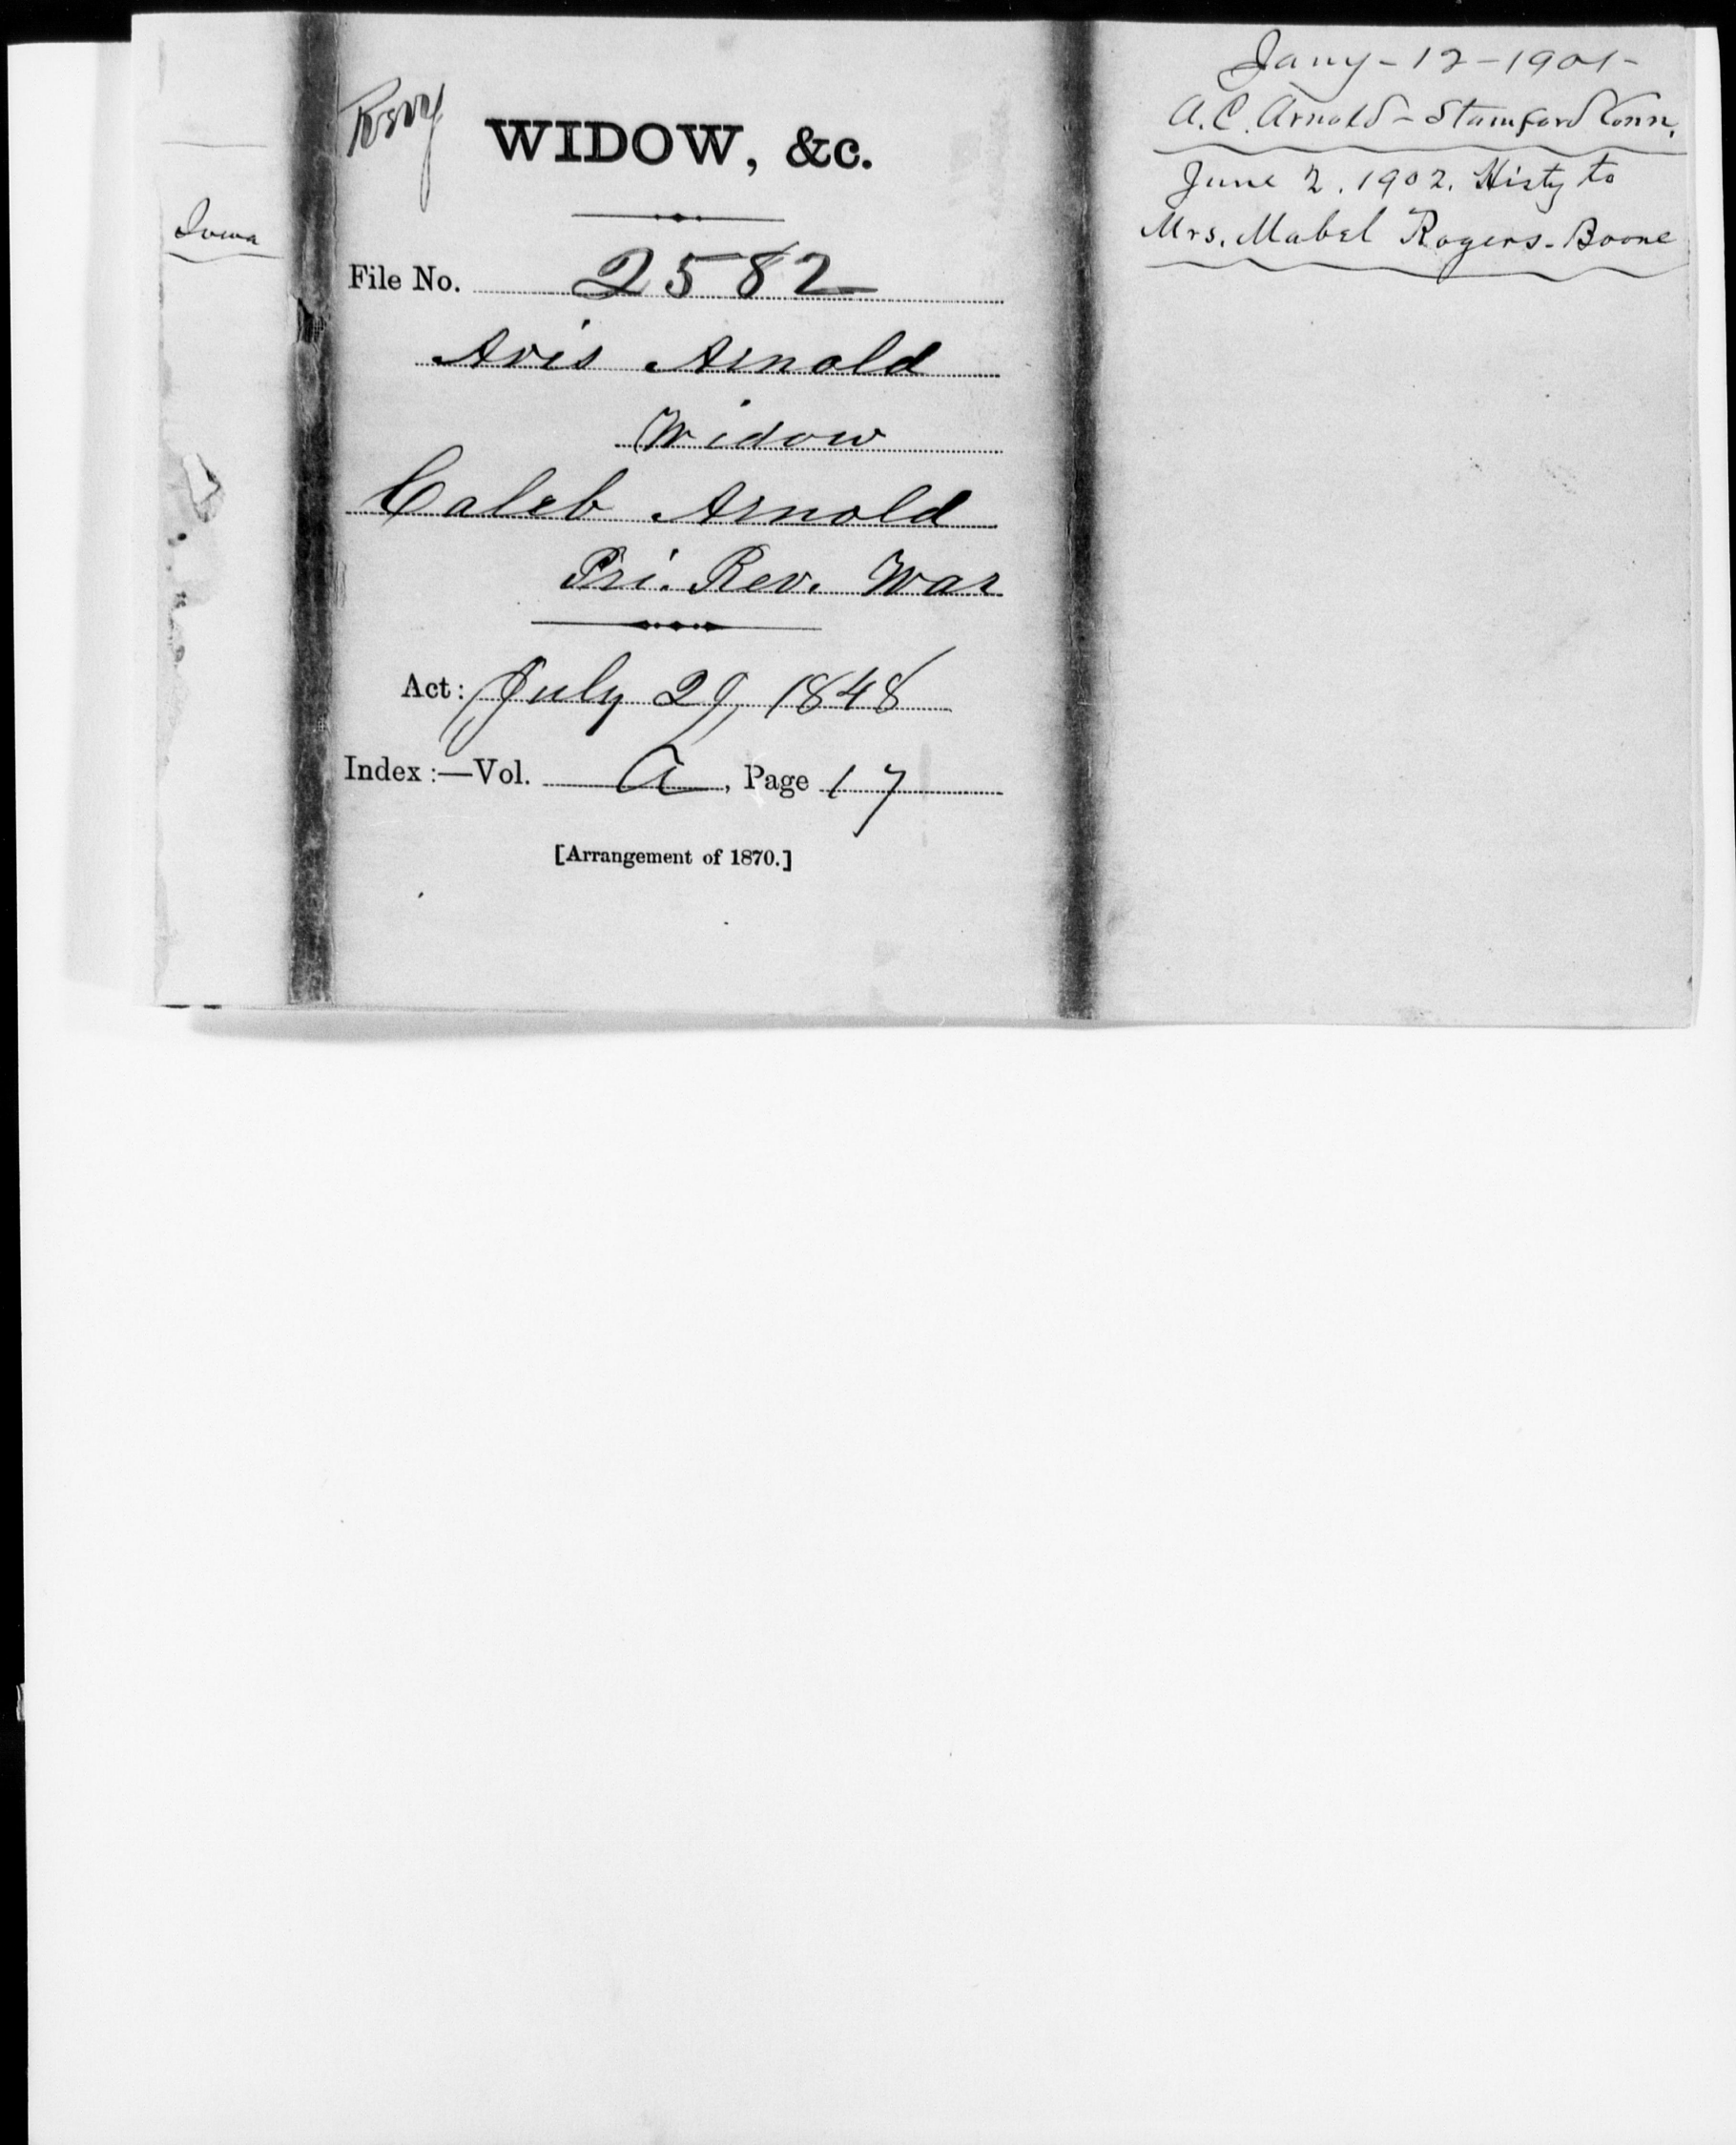WIDOW, &c.

File No. 2582
Avis Arnold
Widow
Caleb Arnold 
Pri. Rev. War

Act July b29, 1848
Vol. a Page 17

Jany-12-1901
A. C. Arnold - Stamford Conn.

June 2, 1902 _____ to
Mrs. Mabel Rogers. Boone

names: Avis Arnold, A C Arnold, Caleb Arnold, Mabel Rogers-Boone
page: 20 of 29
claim: widow's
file: W. 2582, Caleb Arnold, R.I.